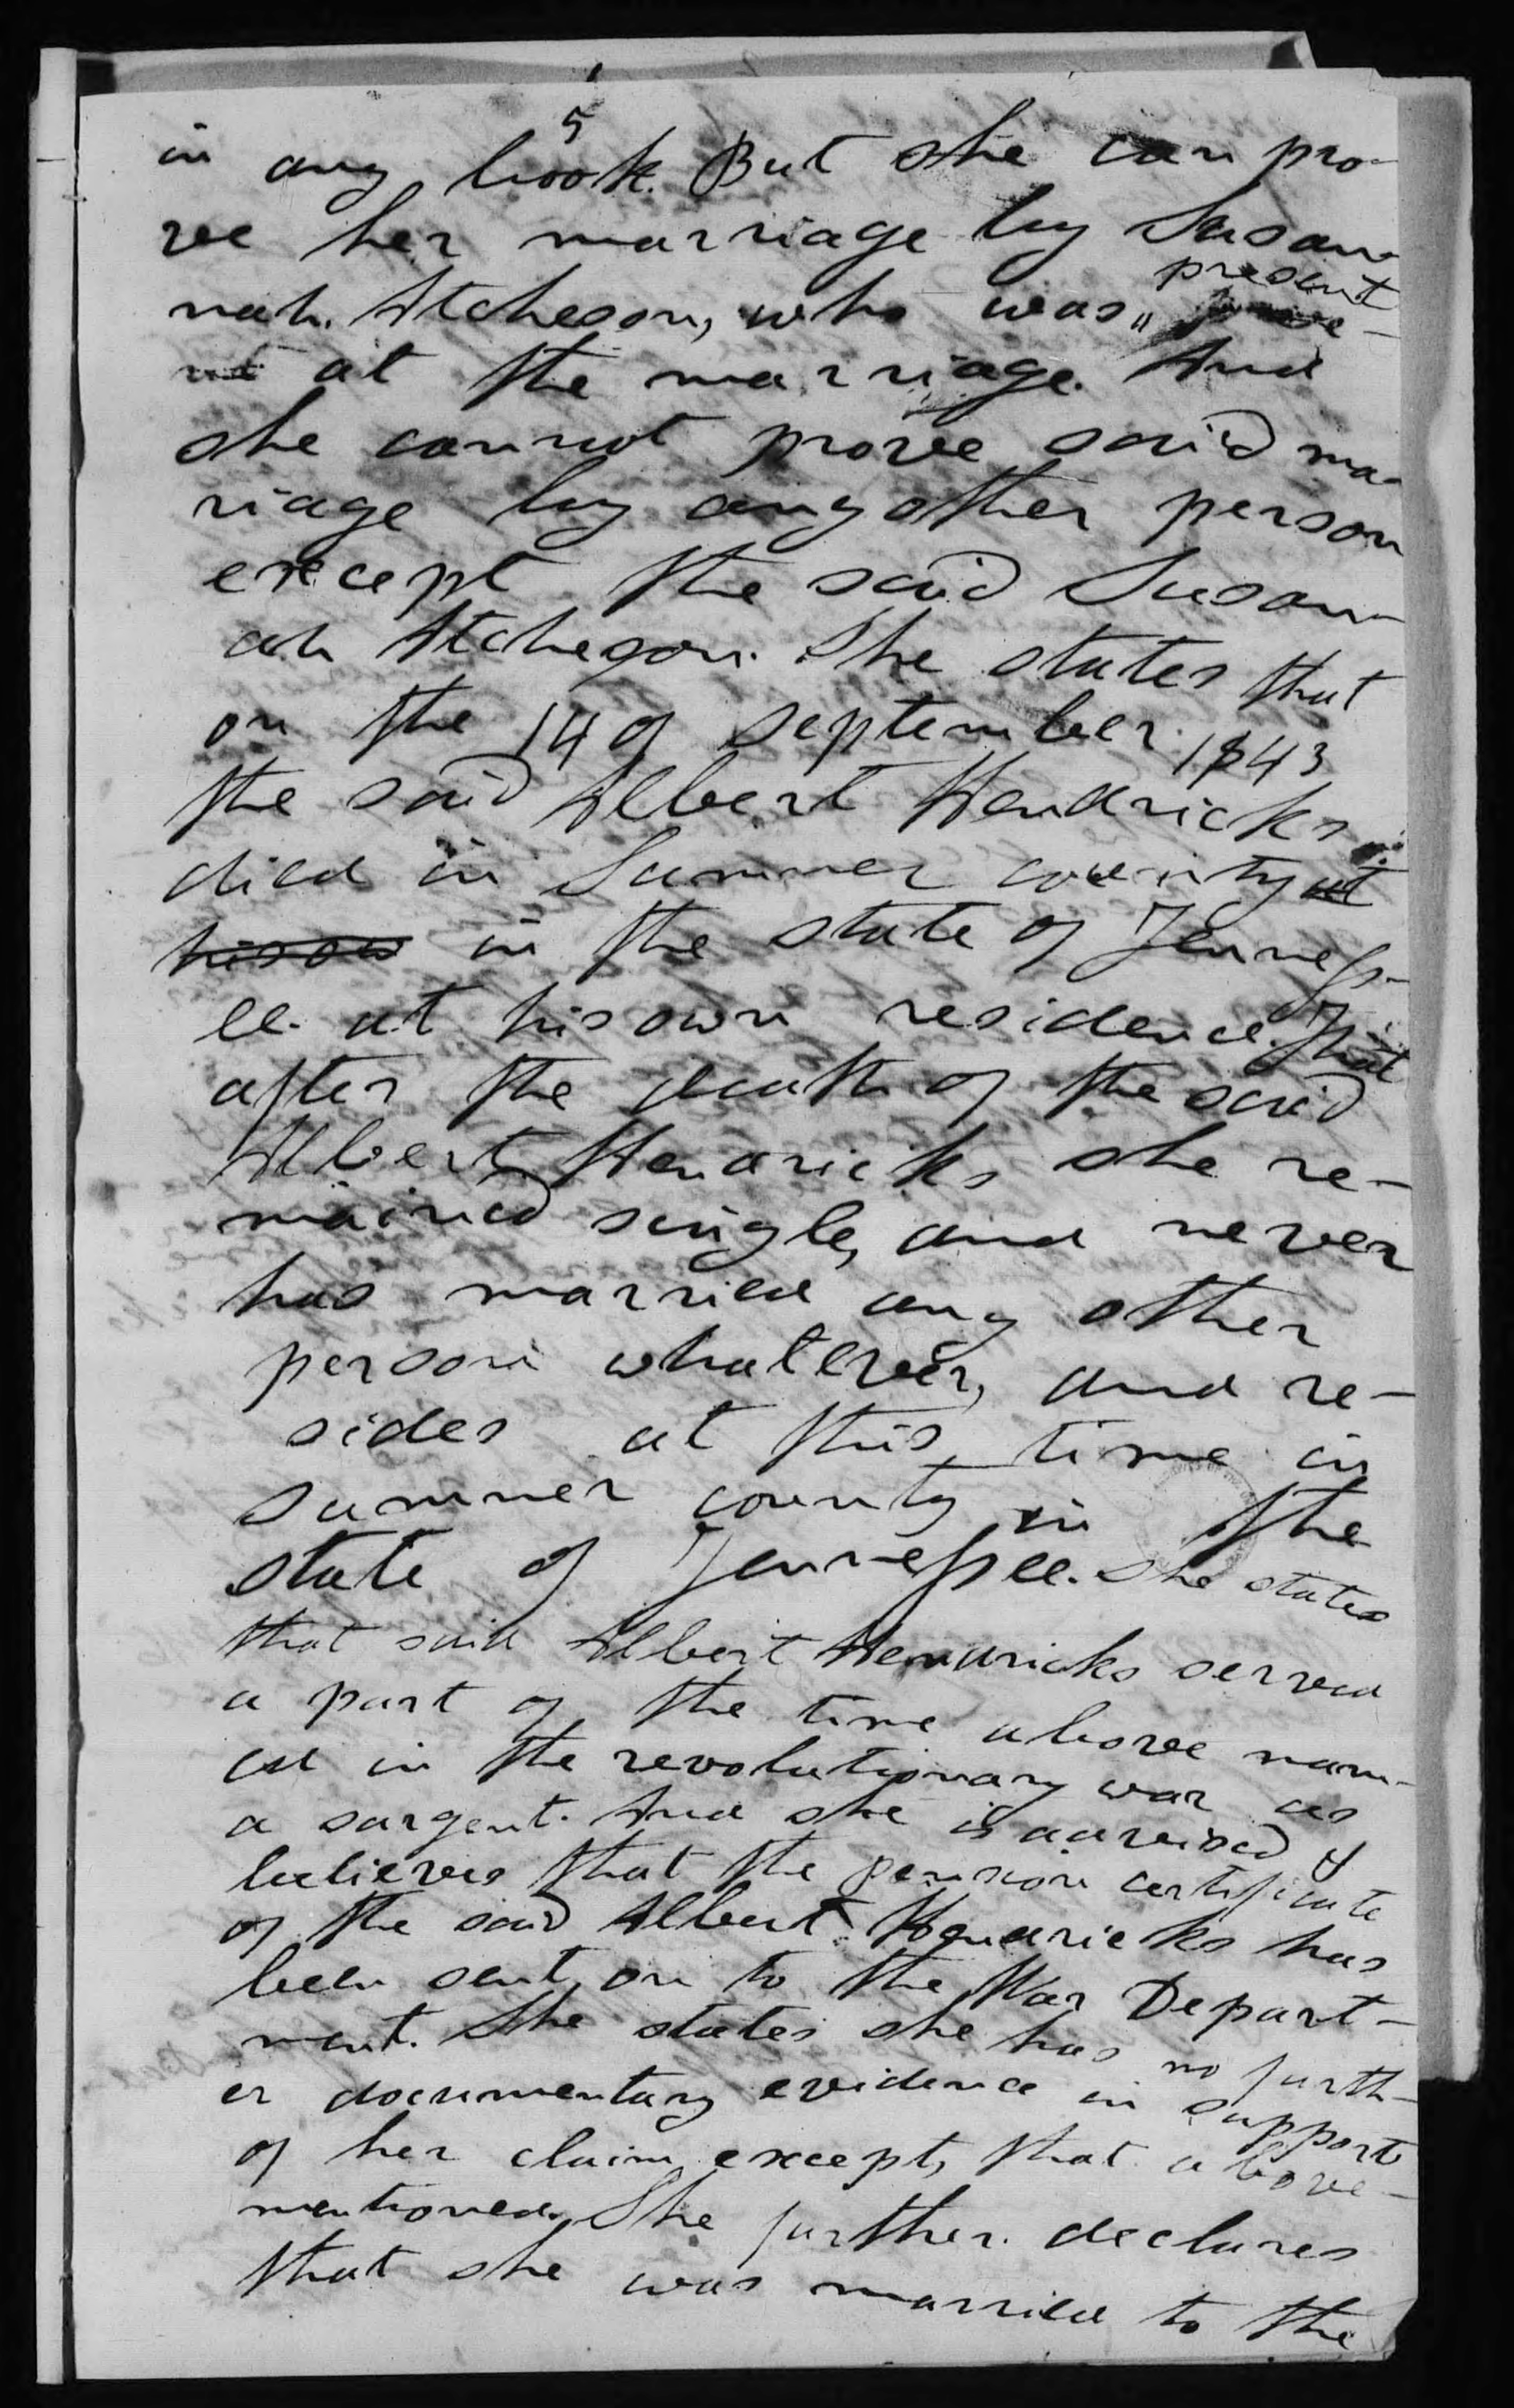in any book. But she can prove her marriage by Susannah Atcheson, who was present at the marriage. And she cannot prove said marriage by any other person except the said Susannah Atcheson. She states that on the 14 of September 1843 the said Albert Hendricks died in Summer county in the state of Tennessee at his own residence. That after the death of the said Albert Hendricks she remained single, and never has married any other person whatever, and resides at this time in Summer county in the state of Tennessee. She states that said Albert Hendricks served a part of the time above named in the revolutionary war as a sargent. And she is advised & believes that the pension certificate of the said Albert Hendricks has been sent on to the War Department. She states she has no further documentary evidence in support of her claim except that above - mentioned. She further declares that she was married to the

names: Albert Hendricks, Albert Hendricks, Albert Hendricks, Albert Hendricks, Susanah Atcheson, Susannah Atcheson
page: 27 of 76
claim: widow's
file: W. 83, Albert Hendricks, Continental Md. N.C.